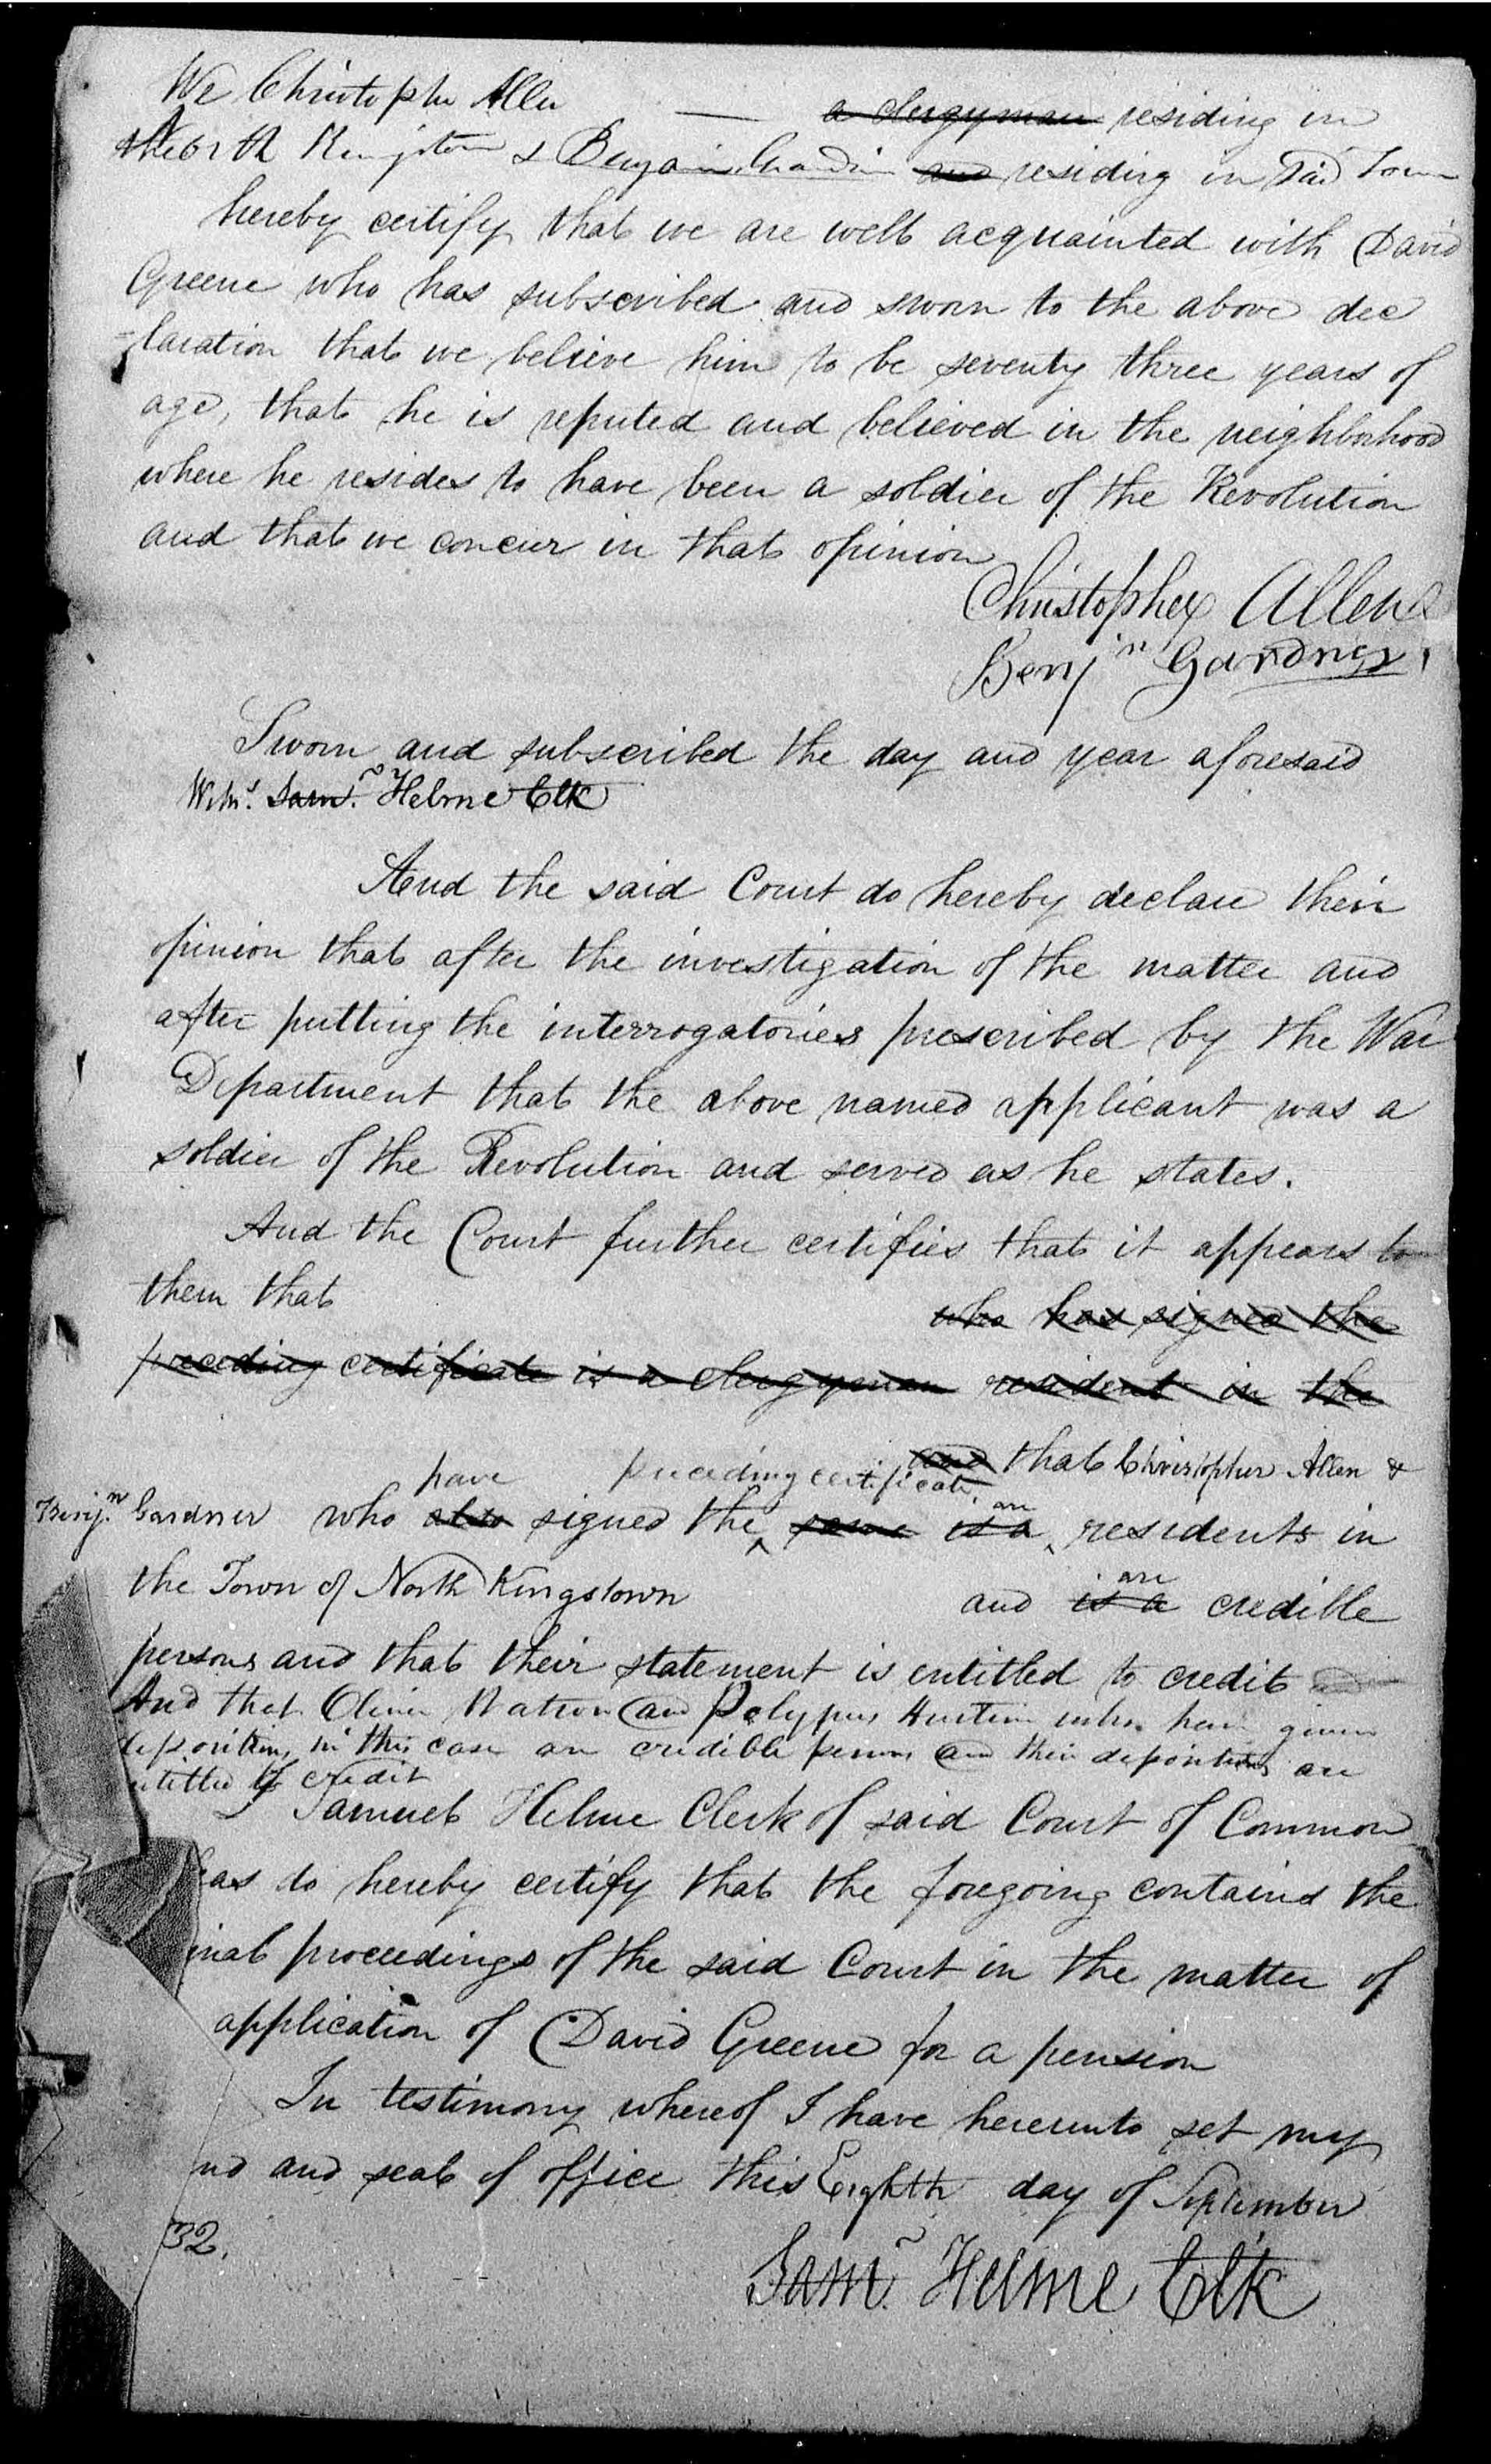We Christopher Allen residing in North Kingstown & Benjamin Gardiner residing in said town hereby certify that we are well acquainted with David Greene who has subscribed and sworn to the above declaration that we believe him to be seventy three years of age, that he is reputed and believed in the neighborhood where he resides to have been a soldier of the Revolution and that we concur in that opinion
Christopher Allen
Benjamin Gardiner

Sworn and subscribed the day and year aforesaid
Sam. Helme Clk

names: Benjn Gardner, David Greene, Benjamin Gardiner, Benjn Gardner, David Greene, Oliver Watson, Christopher Allen, Samuel Helme, Sam Helme, Christopher Allen, Christopher Allen, Sam Helme, Polypus Austin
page: 11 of 27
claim: survivor's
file: S. 21,245, David Greene, R.I.